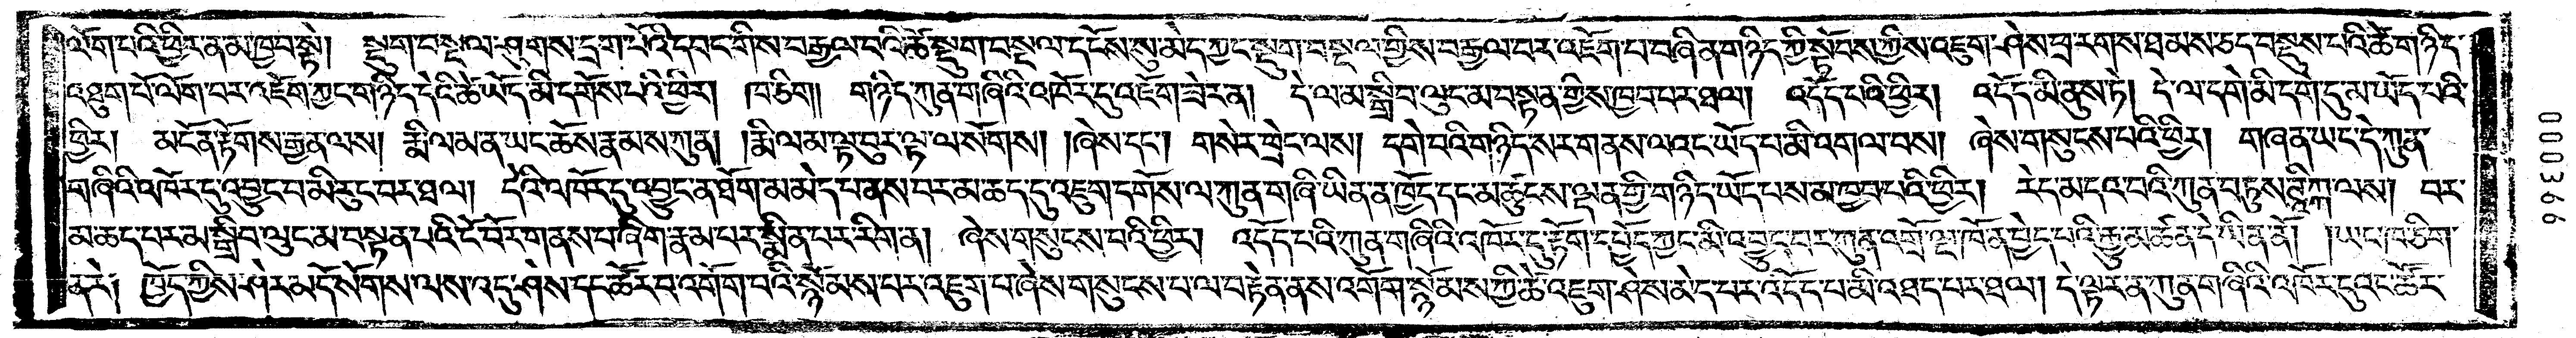ལོག་པའི་ཕྱིར་ན་མ་ཁྱབ་སྟེ། སྡུག་བསྔལ་ཤུགས་དྲག་པོའི་དབང་གིས་བརྒྱལ་བའི་ཚེ་སྡུག་བསྔལ་དངོས་སུ་མེད་ཀྱང་སྡུག་བསྔལ་གྱིས་བརྒྱལ་བར་འཇོག་པ་བཞིན་གཉིད་ཀྱི་སྟོབས་ཀྱིས་འཇུག་ཤེས་ཕྲ་རགས་ཐམས་ཅད་བསྡུས་པའི་ཚེ་གཉིད་
འཐུག་པོ་ལོག་པར་འཇོག་ཀྱང་གཉིད་དེའི་ཚེ་ཡོད་མི་དགོས་པའི་ཕྱིར། ཁ་ཅིག། གཉིད་ཀུན་གཞིའི་འཁོར་དུ་འཇོག་ཟེར་ན། དེ་ལ་མ་སྒྲིབ་ལུང་མ་བསྟན་གྱིས་ཁྱབ་པར་ཐལ། འདོད་པའི་ཕྱིར། འདོད་མི་ནུས་ཏེ། དེ་ལྟ་དགེ་མི་དག་དུ་མ་ཡོད་པའི་
ཕྱིར། མངོན་རྟོགས་རྒྱན་ལས། རྨི་ལམ་ན་ཡང་ཆོས་རྣམས་ཀུན། །རྨི་ལམ་ལྟ་བུར་ལྟ་ལ་སོགས། །ཞེས་དང་། གསེར་ཕྲེང་ལས། དགེ་བའི་གཉིད་སར་གནས་ལའང་ཡོད་པ་མི་འགལ་བས། ཞེས་གསུངས་པའི་ཕྱིར། གཞན་ཡང་དེ་ཀུན་
གཞིའི་འཁོར་དུ་འབྱུང་བ་མི་རུང་བར་ཐལ། དེའི་འཁོར་དུ་འབྱུང་ན་ཐོག་མ་མེད་པ་ནས་བར་མ་ཆད་དུ་འཇུག་དགོས་ལ་ཀུན་གཞི་ཡིན་ན་ཁྱོད་དང་མཚུངས་ལྡན་གྱི་གཉིད་ཡོད་པས་མ་ཁྱབ་པའི་ཕྱིར། རེད་མདའ་བའི་ཀུན་བཏུས་ཊཱིཀྐ་ལས། བར་
མ་ཆད་པར་མ་སྒྲིབ་ལུང་མ་བསྟན་པའི་ངོ་བོར་གནས་པ་ཞིག་རྣམ་པར་སྨིན་པར་རིག་ན། ཞེས་གསུངས་པའི་ཕྱིར། འདོད་པའི་ཀུན་གཞིའི་འཁོར་དུ་རྟོག་དཔྱོད་ཀྱང་མི་འབྱུང་བར་ཀུན་འགྲོ་ལྔ་ཁྱོན་བྱེད་པའི་རྒྱུ་མཚན་དེ་ཡིན་ནོ། །ཡང་ཁ་ཅིག་
ན་དེ༑ ཁྱོད་ཀྱིས་ཤེར་མདོ་སོགས་ལས་འདུ་ཤེས་དང་ཚོར་བ་འགོག་པའི་སྙོམས་པར་འཇུག་པ་ཞེས་གསུངས་པ་ལ་བརྟེན་ནས་འགོག་སྙོམས་ཀྱི་ཚེ་འཇུག་ཤེས་མེད་པར་འདོད་པ་མི་འཐད་པར་ཐལ། དེ་ལྟར་ན་ཀུན་གཞིའི་འཁོར་དུའང་ཚོར་